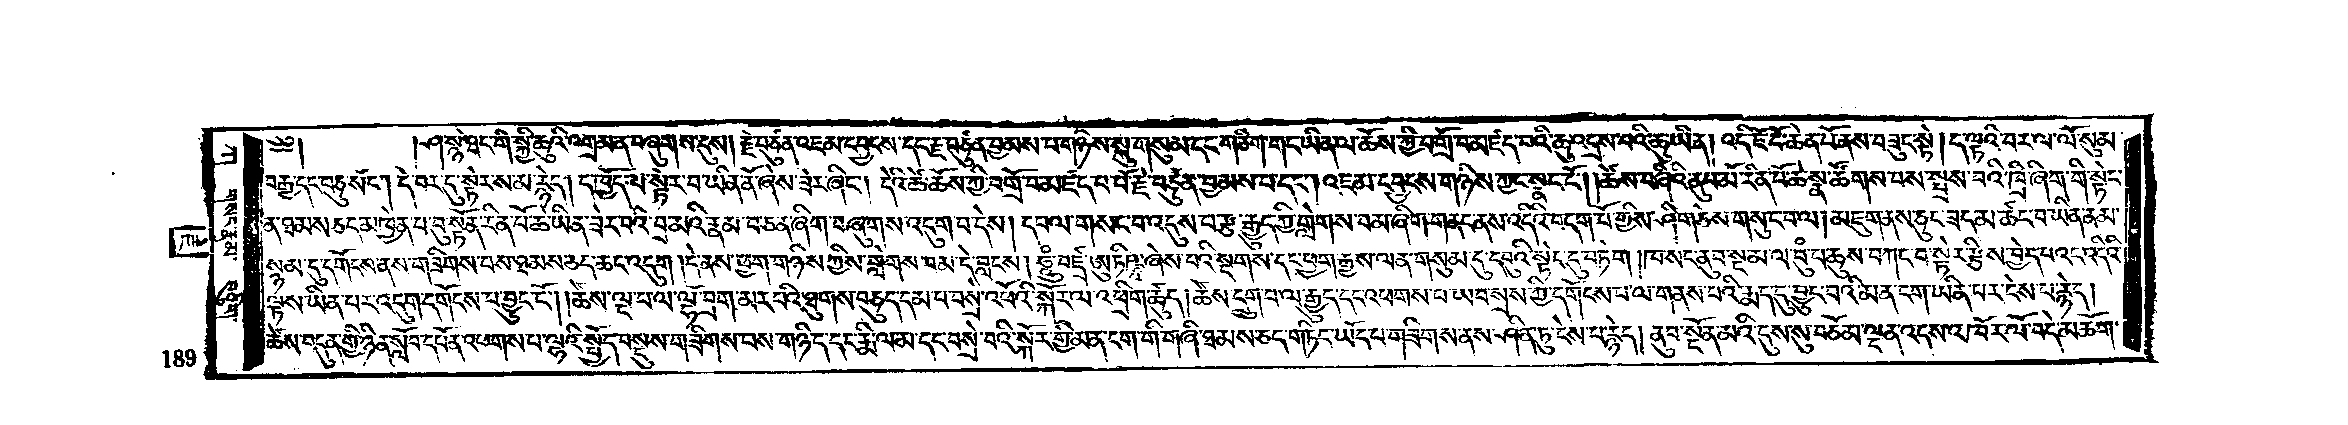༄༅། །ཤ་སྙེ་ཐང་གི་སྐྱི་ཆུའི་འགྲམ་ན་བཞུགས་དུས། རྗེ་བཙུན་འཇམ་དབྱངས་དང་རྗེ་བཙུན་བྱམས་པ་གཉིས་སྐུ་གསུམ་དང་གཅིག་གང་ཡིན་ལ་ཆོས་ཀྱི་བགྲོ་བ་མཛད་པའི་ཆུ་འདྲས་པའི་ཆུ་ཡིན། འདི་ཇོ་བོ་ཆེན་པོ་ནས་བཟུང་སྟེ། ད་ལྟའི་བར་ལ་ལོ་སུམ་
བརྒྱ་དང་བཅུ་སོང་། དེ་བར་དུ་སྟེར་ས་མ་རྙེད། ད་ཁྱོད་ལ་སྟེར་བ་ཡིན་ནོ་ཞེས་ཟེར་ཞིང་། དེའི་ཚེ་ཆོས་ཀྱི་བགྲོ་བ་མཛད་པ་པོ་རྗེ་བཙུན་བྱམས་པ་དང་། འཇམ་དབྱངས་གཉིས་ཀྱང་སྣང་ངོ། །ཚེས་བཞིའི་ནུབ་མོ་རིན་པོ་ཆེ་སྣ་ཚོགས་པས་སྤྲས་པའི་ཁྲི་ཞིག་གི་སྟེང་
ན་ཐམས་ཅད་མཁྱེན་པ་བུ་སྟོན་རིན་པོ་ཆེ་ཡིན་ཟེར་བའི་བྲ་མའི་རྣམ་བ་ཅན་ཞིག་བཞུགས་འདུག་བ་དེས། དཔལ་གསང་བ་འདུས་པ་རྩ་རྒྱུད་ཀྱི་གླེགས་བམ་ཞིག་གནང་ནས་འདིའི་བདག་པོ་གྱིས་ཤི་གཅེས་གསུང་བ་ལ། མཇུག་ནས་ཅུང་ཟད་མ་ཚང་བ་ཡིན་ནམ་
སྙམ་དུ་དགོངས་ནས་གཟིགས་པས་ཐམས་ཅད་ཆང་འདུག །དེ་ནས་ཕྱག་གཉིས་ཀྱིས་གླེགས་བམ་དེ་བླངས། ཧཱུཾ་བཛྲ་ཨུཏིཥཾའ་ཞེས་པའི་སྔགས་དང་ཕྱག་རྒྱས་ལན་གསུམ་དུ་དབུའི་སྟེང་དུ་བཏེག །ཁ་སང་ནུབ་སྔ་མ་ལ་བུཾ་པ་ཆུས་བཀང་བ་སྟེར་རྩིས་བྱེད་པའང་འདིའི་
ལྟས་ཡིན་པར་འདུག་དགོངས་པ་བྱུང་ངོ། །ཚེས་ལྔ་པ་ལ་ལྷོ་བྲག་མར་པའི་ཐུགས་བཅུད་དམ་པ་བསྲེ་འཕོའི་སྐོར་ལ་འཕྲིག་ཚུད། ཚེས་དྲུག་པ་ལ་རྒྱུད་དང་འཕགས་པ་ཡབ་སྲས་ཀྱི་དགོངས་པ་ལ་གནས་པའི་རྨད་དུ་བྱུང་བའི་མན་ངག་ཡིན་པར་ངེས་པ་རྙེད།
ཚེས་བདུན་གྱི་ཉིན་སློབ་དཔོན་འཕགས་པ་ལྷའི་སྤྱོད་བསྡུས་གཟིགས་པས་གཉིད་དང་རྨི་ལམ་དང་བསྲེ་བའི་སྐོར་གྱི་མན་ངག་གི་གཞི་ཐམས་ཅད་གཏིང་ཡོད་པ་གཟིགས་ནས་ཤིན་ཏུ་ངེས་པ་རྙེད། ནུབ་སྔོན་མའི་དུས་སུ་བཅོམ་ལྡན་འདས་འཁོར་ལོ་བདེ་མཆོག་